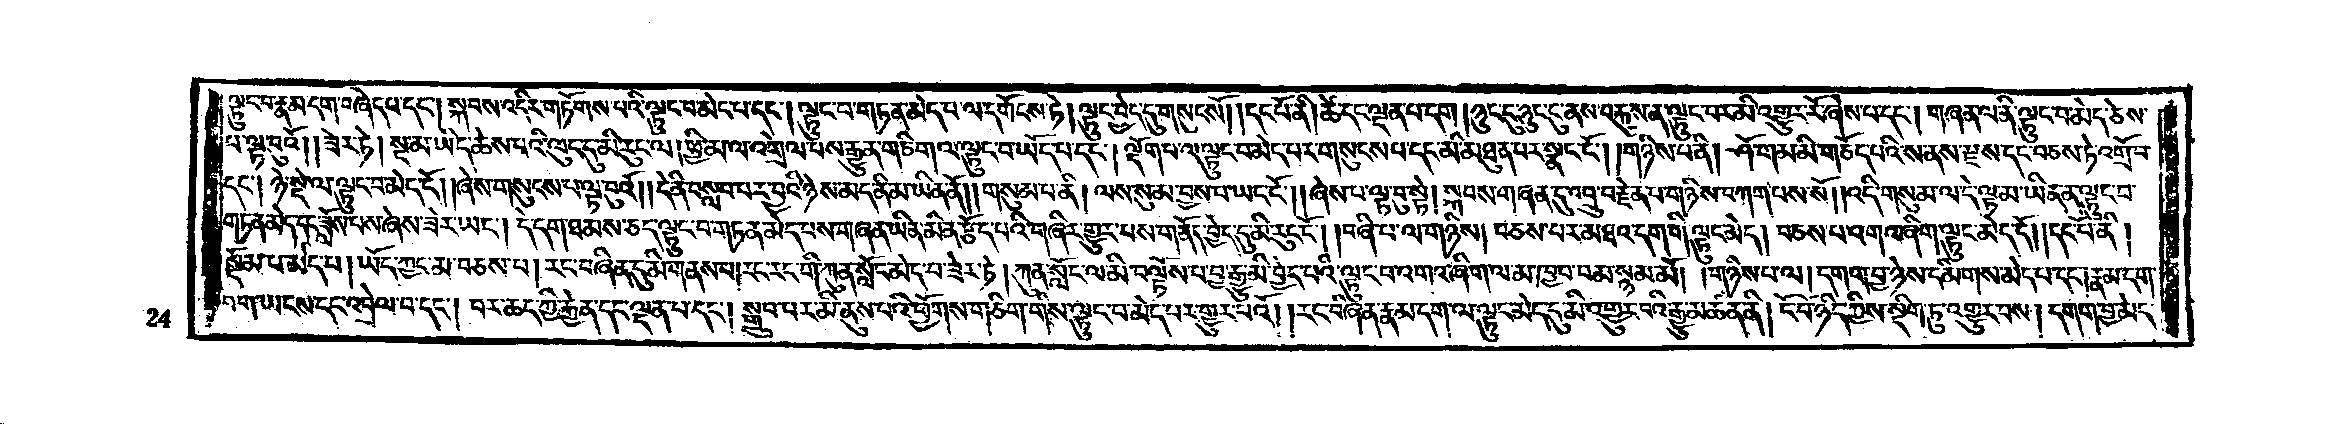ལྟུང་བ་རྣམ་དག་བཞེད་པ་དང་། སྐབས་འདིར་གཏོགས་པའི་ལྟུང་བ་མེད་པ་དང་། ལྟུང་བ་གཏན་མེད་པ་ལ་དགོངས་ཏེ། ལྟུང་བྱེད་དུ་གསུངས་སོ། །དང་པོ་ནི། ཚེ་དང་ལྡན་པ་དག །ཉུང་དུ་ཉུང་དུ་ནས་བརྐུས་ན་ལྟུང་བར་མི་འགྱུར་རོ་ཞེས་པ་དང་། གཞན་ལ་ནི་ལྟུང་བ་མེད་ཅེས་
པ་ལྟ་བུའོ། །ཟེར་ཏེ། སྔ་མ་ཡིད་ཆེས་པའི་ལུང་དུ་མི་རུང་ལ། ཕྱི་མ་ལ་འགྲེལ་པས་རྒྱུན་གཅིག་ལ་ལྟུང་བ་ཡོད་པ་དང་། ལྡོག་པ་ལ་ལྟུང་བ་མེད་པར་གསུངས་པ་དང་མི་མཐུན་པར་སྣང་ངོ། །གཉིས་པ་ནི། ཤོ་གམ་མི་གཅོད་པའི་ས་ནས་རྫས་དང་བཅས་ཏེ་འགྲོ་བ་
དང་། ཉེ་སྡེ་ལ་ལྟུང་བ་མེད་དོ། །ཞེས་གསུངས་པ་ལྟ་བུའོ། །དེ་ནི་བསླབ་པར་བྱའི་ཉེས་མད་ནི་མ་ཡིན་ནོ། །གསུམ་པ་ནི། ལས་སུ་མ་བྱས་པ་ཡང་ངོ། །ཞེས་པ་ལྟ་བུ་སྟེ། སྐབས་གཞན་དུ་འབྲུ་བརྗེན་པ་གཉིས་བཀག་པས་སོ། །འདི་གསུམ་ལ་དེ་ལྟ་མ་ཡིན་ན་ལྟུང་བ་
གཏན་མེད་དང་ཟློས་པས་ཞེས་ཟེར་ཡང་། དེ་དག་ཐམས་ཅད་ལྟུང་བ་གཏན་མེད་པས་གཞན་ཡིན་མིན་རྩོད་པའི་གཞིར་གྱུར་པས་གནོད་བྱེད་དུ་མི་རུང་ངོ། །བཞི་པ་ལ་གཉིས། བཅས་པར་མཐའ་དག་གི་ལྟུང་མེད། བཅས་པ་འགའ་ཞིག་ལྟུང་མེད་དོ། །དང་པོ་ནི།
སྡོམ་པ་མེད་པ། ཡོད་ཀྱང་མ་བཅས་པ། རང་བཞིན་དུ་མི་གནས་པ། རང་རང་གི་ཀུན་སློང་མེད་པ་ཟེར་ཏེ། ཀུན་སློང་ལ་མི་བལྟོས་པ་བྱ་རྒྱུ་མི་བྱེད་པའི་ལྟུང་བ་འགའ་ཞིག་ལ་མ་ཁྱབ་བམ་སྙམ་མོ། །གཉིས་པ་ལ། དགག་བྱ་ཉེས་དམིགས་མེད་པ་དང་། རྣམ་དག་
བག་ཡངས་དང་འབྲེལ་བ་དང་། བར་ཆད་ཀྱི་རྐྱེན་དང་ལྡན་པ་དང་། སྒྲུབ་པར་མི་ནུས་པའི་ཕྱོགས་གཅིག་གིས་ལྟུང་བ་མེད་པར་གྱུར་པའོ། །རང་བཞིན་རྣམ་དག་ལ་ལྟུང་མེད་དུ་མི་འགྱུར་བའི་རྒྱུ་མཚན་ནི། ངོ་བོ་ཉིད་ཀྱིས་སྡིག་ཏུ་འགྱུར་བས། དགག་བྱ་མེད་